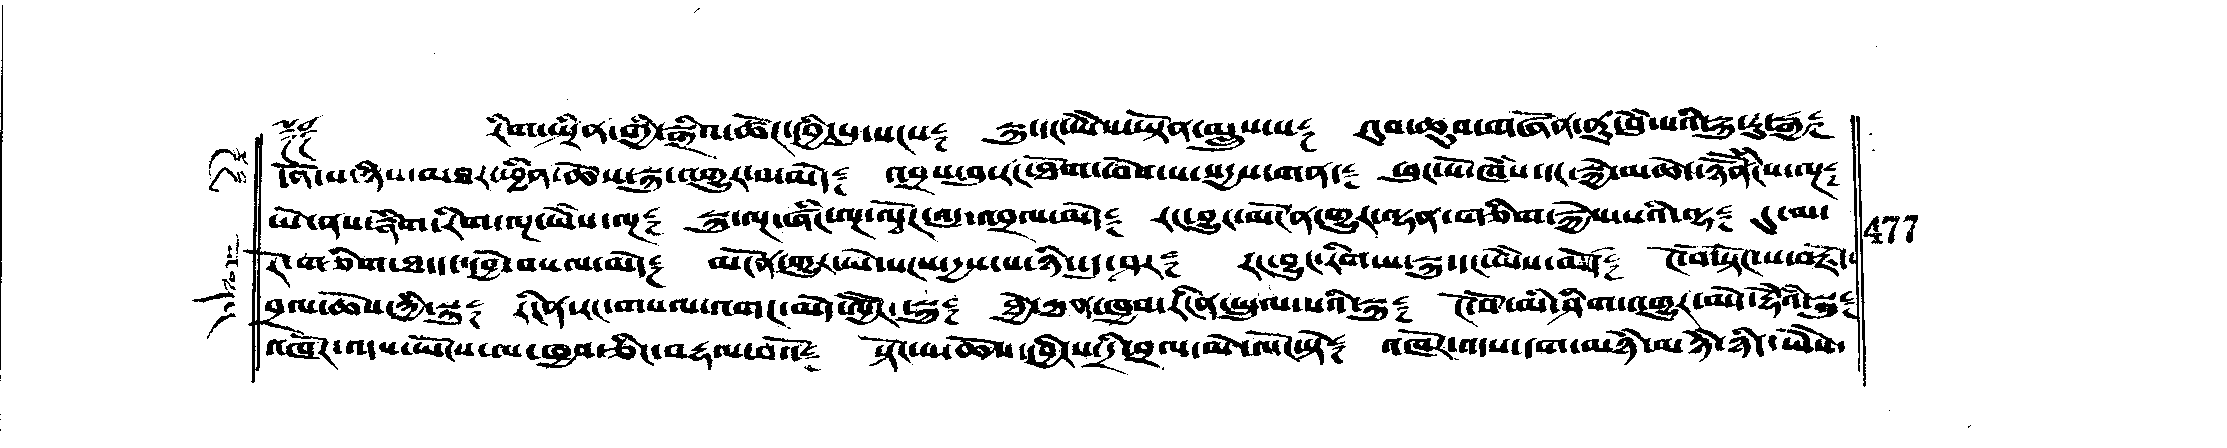རིག་སྤྲིན་གྱི་སྒྲིབ་ཚོགས་དབྱིངས་སུ་སངས། །སྐུ་དང་ཡེ་ཤེས་ཡོན་ཏན་མ་ལུས་པ། །འུབ་ཆུབ་གཞོན་ནུ་བུམ་པའི་སྐུ་རུ་རྒྱ། །
དོན་གཉིས་མཐར་ཕྱིན་ཆོས་སྐུ་འགྱུར་བ་མེད། །འབྲས་བུ་རང་ཐོག་ཕེབས་པ་སངས་རྒྱས་གནད། །ཕུང་པོ་ཁམས་དང་སྐྱེ་མཆེད་ཉོན་མོངས་ལྔ། །
ཡེ་ནས་རྣམ་དག་རིག་ལྔ་ཡེ་ཤེས་ལྔ་། །སྐུ་ལྔ་ཞིང་ལྔ་ལ་སོགས་འདུ་འབྲལ་མེད། །རང་བྱུང་མངོན་གྱུར་ལྷན་གཅིག་སྐྱེས་པའི་ལྷ། །དུ་མ་
རོ་གཅིག་ཐ་དད་དབྱེ་བསལ་མེད། །མངོན་གྱུར་ཡེ་སངས་རྒྱས་པ་ཉིད་དུ་ཤར། །རང་བྱུང་རིག་པ་སྐུ་དང་ཡེ་ཤེས་མཛོད། །ངོ་བོ་སྟོང་པ་བརྗོད་
བྲལ་ཆོས་ཀྱི་སྐུ། །རང་བཞིན་རང་གསལ་འགགས་མེད་ལོངས་སྤྱོད་སྐུ། །ཐུགས་རྗེ་ཀུན་ཁྱབ་རང་བཞིན་སྤྲུལ་པའི་སྐུ། །ངོ་བོ་མི་ཤིག་འགྱུར་མེད་རྡོ་རྗེའི་སྐུ། །
འཁོར་འདས་ཡོངས་ལ་ཁྱབ་ཅིང་བརྡལ་བའོ། །སྟོང་པ་ཆོས་དབྱིངས་དྲི་བྲལ་མེ་ལོང་སྟེ། །འཁོར་འདས་དག་མཉམ་མཉམ་ཉིད་ཡེ་ཤེས་